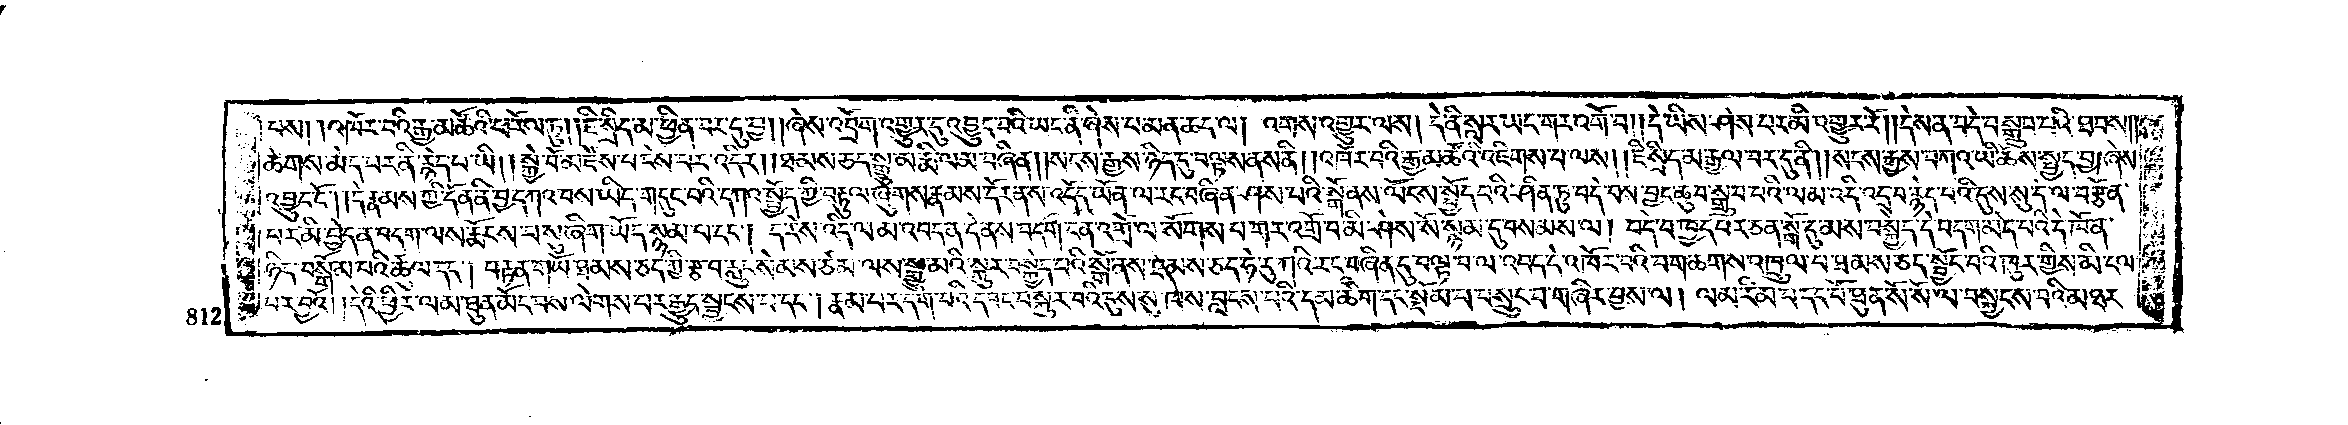པས། །འཁོར་བའི་རྒྱ་མཚོའི་ཕ་རོལ་ཏུ། །ཇི་སྲིད་མ་ཕྱིན་པར་དུ་བྱ། །ཞེས་འབྲོག་འགྱུར་དུ་འབྱུང་བའི་ཡང་ནི་ཞེས་པ་མན་ཆད་ལ། འགྲུས་འགྱུར་ལས། དེ་ནི་སླར་ཡང་གར་འགྲོ་བ། །དེ་ཡིས་ཤེས་པར་མི་འགྱུར་རོ། །དེས་ན་བདེ་བ་སྒྲུབ་པའི་ཐབས།།
ཚོགས་མེད་པར་ནི་རྙེད་པ་ཡི། །སྐྱེ་བོ་མཛེས་པ་ངེས་པར་འདིར། །ཐམས་ཅད་སྒྱུ་མ་རྨི་ལམ་བཞིན། །སངས་རྒྱས་ཉིད་དུ་བལྟས་ནས་ནི། །འཁོར་བའི་རྒྱ་མཚོའི་འཇིགས་པ་ལས། །ཇི་སྲིད་མ་རྒྱལ་བར་དུ་ནི། །སངས་རྒྱས་བཀའ་ཡི་ཆོས་སྤྱད་བྱ། ཞེས་
འབྱུང་ངོ། །དེ་རྣམས་ཀྱི་དོན་ནི་བྱ་དཀའ་བས་ཡིད་གདུང་བའི་དཀའ་སྤྱོད་ཀྱི་བརྟུལ་ཞུགས་རྣམས་དོར་ནས་འདོད་ཡོན་ལ་རང་བཞིན་ཤེས་པའི་སྒོ་ནས་ལོངས་སྤྱོད་པའི་ཤིན་ཏུ་བདེ་བས་བྱང་ཆུབ་སྒྲུབ་པའི་ལམ་འདི་འདྲ་བ་རྙེད་པའི་དུས་སུ་དེ་ལ་བརྩོན་
པར་མི་བྱེད་ན་བདག་ལས་རྨོངས་པ་སུ་ཞིག་ཡོད་སྙམ་པ་དང་། ད་རེས་འདི་ལ་མི་འབད་ན་དེ་ནས་བདག་ངན་འགྲོ་ལ་སོགས་པ་གར་འགྲོ་བ་མི་ཤེས་སོ་སྙམ་དུ་བསམས་ལ། བདེ་བ་ཁྱད་པར་ཅན་སྒོ་དུ་མས་བསྐྱེད་དེ་བདག་མེད་པའི་དེ་ཁོ་ན་
ཉིད་བསྒོམ་པའི་ཚུལ་དང་། བརྟན་གཡོ་ཐམས་ཅད་ཀྱི་རྩ་བ་རླུང་སེམས་ཙམ་ལས་སྒྱུ་མའི་སྐུར་བསྐྱེད་པའི་སྒོ་ནས་ཐམས་ཅད་ཧེ་རུ་ཀའི་རང་བཞིན་དུ་བལྟ་བ་ལ་འབད་དེ་འཁོར་བའི་བག་ཆགས་འཁྲུལ་པ་ཐམས་ཅད་སྦྱོང་བའི་ཁུར་གྱིས་མི་ངལ་
བར་བྱའོ། །དེའི་ཕྱིར་ལམ་ཐུན་མོང་བས་ལེགས་པར་རྒྱུད་སྦྱངས་པ་དང་། རྣམ་པར་དག་པའི་དབང་བསྐུར་བའི་དུས་སུ་ཁས་བླངས་པའི་དམ་ཚིག་དང་སྡོམ་པ་བསྲུང་བ་གཞིར་བྱས་ལ། ལམ་རིམ་པ་དང་པོ་ཐུན་སོ་སོ་ལ་བསྐྱངས་པའི་མཐར་